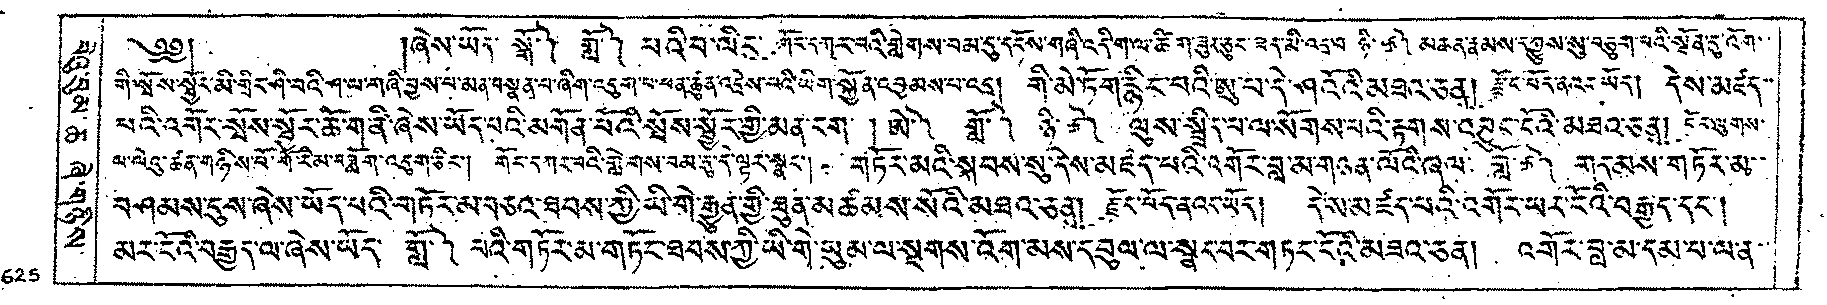༄༅། །ཞེས་ཡོད་སྒ྄ོ་གླ྄ོ་པའི་བ་ལིང་གོང་དཀར་བའི་གླེགས་བམ་དུ་དངོས་གཞི་འདི་ག་ལ་ཚིག་ཟུར་ཅུང་ཟད་མི་འདྲ་བ་ཉི~྾?་མཚན་རྣམས་དཀྱུས་སུ་བཅུག་པའི་སྔོན་དུ་འོག་
གི་སྤོས་སྦྱོར་མི་གྲིར་ཤི་བའི་ཤ་ལ་གཞི་བྱས་པ་མན་བསྣན་པ་ཞིག་འདུག་པ་ཕན་ཚུན་འདྲེས་པའི་ཡིག་སྐྱོན་འབྱམས་པ་འདྲ། གི་མེ་ཏོག་རྙིང་པའི་ཨུ་པ་དེ་ཤའོའི་མཐའ་ཅན། རྫོང་པོད་ནའང་ཡོད།  དེས་མཛད་
པའི་འགོར་སྤོས་སྦྱོར་ཆོ་ག་ནི་ཞེས་ཡོད་པའི་མགོན་པོའི་སྤོས་སྦྱོར་གྱི་མན་ངག །ཨ྄ེ་གླ྄ོ་ཉི~྾?་ལུས་སྦྲིད་པ་ལ་སོགས་པའི་རྟགས་འབྱུང་ངོའི་མཐའ་ཅན། ངོར་ལུགས་
ལ་ལེའུ་ཚན་གཉིས་པོ་གོ་རིམ་བཟློག་འདུག་ཅིང་། གོང་དཀར་བའི་གླེགས་བམ་དུ་དེ་ལྟར་སྣང་། གཏོར་མའི་སྐབས་སུ་དེས་མཛད་པའི་འགོར་བླ་མ་གཉན་ལོའི་ཞལ་གློ~྾?་གདམས་གཏོར་མ་
བཤམས་དུས་ཞེས་ཡོད་པའི་གཏོར་མ་བཅའ་ཐབས་ཀྱི་ཡི་གེ་རྒྱུན་གྱི་ཐུན་མཚམས་སོའི་མཐའ་ཅན། རྫོང་པོད་ནའང་ཡོད།  དེས་མཛད་པའི་འགོར་ཡར་ངོའི་བརྒྱད་དང་།
མར་ངོའི་བརྒྱད་ལ་ཞེས་ཡོད་གླ྄ོ་པའི་གཏོར་མ་གཏོང་ཐབས་ཀྱི་ཡི་གེ་ཡུམ་ལ་སྔགས་འོག་མས་དབུལ་ལ་སྣང་བར་གཏང་ངོའི་མཐའ་ཅན། འགོར་བླ་མ་དམ་པ་ལ་ན་